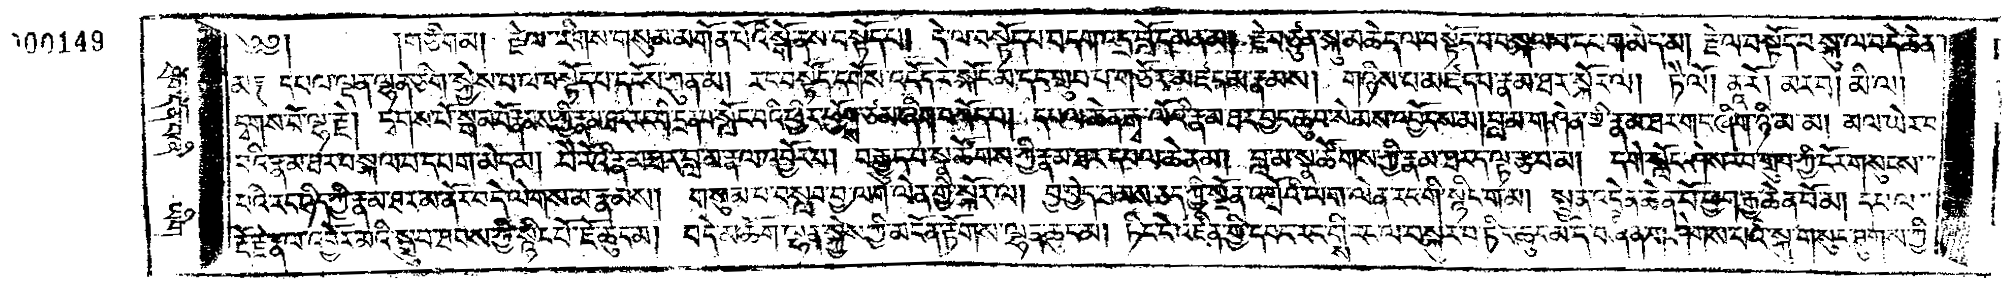༄༅། །གཅིག་མ། རྗེལ་རིགས་གསུམ་མགོན་པོའི་སྒོ་ནས་བསྟོད་པ། དེ་ལ་བསྟོད་པ་བདག་འདྲ་བློ་དམན་མ། རྗེ་བཙུན་སྐུ་མཆེད་ལ་བསྟོད་པ་བསྐལ་བ་དཔག་མེད་མ། རྗེ་ལ་བསྟོད་པ་སྐུ་ལ་བདེ་ཆེན་
མ༑ དཔལ་ལྡན་ལྷན་ཅིག་སྐྱེས་པ་ལ་བསྟོད་པ་དངོས་ཀུན་མ། རང་བསྟོད་དགོས་འདོད་རེ་སྐོང་མ་དང་གྲུབ་པ་གཙོར་མཛད་མ་རྣམས། གཉིས་པ་མཛད་པ་རྣམ་ཐར་སྐོར་ལ། ཏཻ་ལོ། ནཱ་རོ། མར་བ། མི་ལ།
དྭགས་པོ་ལྷ་རྗེ། དྭགས་པོ་སྒམ་པོ་རྣམས་ཀྱི་རྣམ་ཐར་རང་གི་དྲན་པ་སློང་བའི་ཕྱིར་ཕྱོགས་ཙམ་ཞིག་བཀོད་པ། དཔལ་ཆེན་རྒྭ་ལོའི་རྣམ་ཐར་བྱང་ཆུབ་སེམས་འབྱོངས་མ། བླ་མ་གཤེན་གྱི་རྣམ་ཐར་གང་ཞིག་ཉི་མ་མ། མལ་ཡེར་བ་
བའི་རྣམ་ཐར་བསྐལ་བ་དཔག་མེད་མ། བཻ་རོའི་རྣམ་ཐར་བླ་མ་རྣལ་འབྱོར་བ། བརྒྱུད་པ་སྣ་ཚོགས་ཀྱི་རྣམ་ཐར་དཔལ་ཆེན་མ། བླ་མ་སྣ་ཚོགས་ཀྱི་རྣམ་ཐར་ད་ལྟ་རྩ་བ་མ། དགེ་སློང་ཤེས་རབ་གྲུབ་ཀྱི་ངོར་གསུངས་
པའི་རང་ཉིད་ཀྱི་རྣམ་ཐར་མ་ནོར་བདེ་ལེགས་མ་རྣམས། གསུམ་པ་བསླབ་བྱ་ལག་ལེན་གྱི་སྐོར་ལ། བྱ་བྱེད་ཐམས་ཅད་ཀྱི་སྔོན་འགྲོའི་ལག་ལེན་རང་གི་སྙིང་ག་མ། སྤྱན་འདྲེན་ཆེན་པོ་ཕྱག་རྒྱ་ཆེན་པོ་མ། དཔལ་
རྡོ་རྗེ་རྣལ་འབྱོར་མའི་སྒྲུབ་ཐབས་ཀྱི་སྙིང་པོ་ཇོ་ཆུང་མ། བདེ་མཆོག་ལྷན་སྐྱེས་ཀྱི་མངོན་རྟོགས་ལྷན་ཆུང་མ། ཏིང་ངེ་འཛིན་གྱི་དབང་རང་གིས་རང་ལ་བསྐུར་བ་ཏིང་ཆུང་མ་དེ་བཞིན་གཤེགས་པའི་སྐུ་གསུང་ཐུགས་ཀྱི་